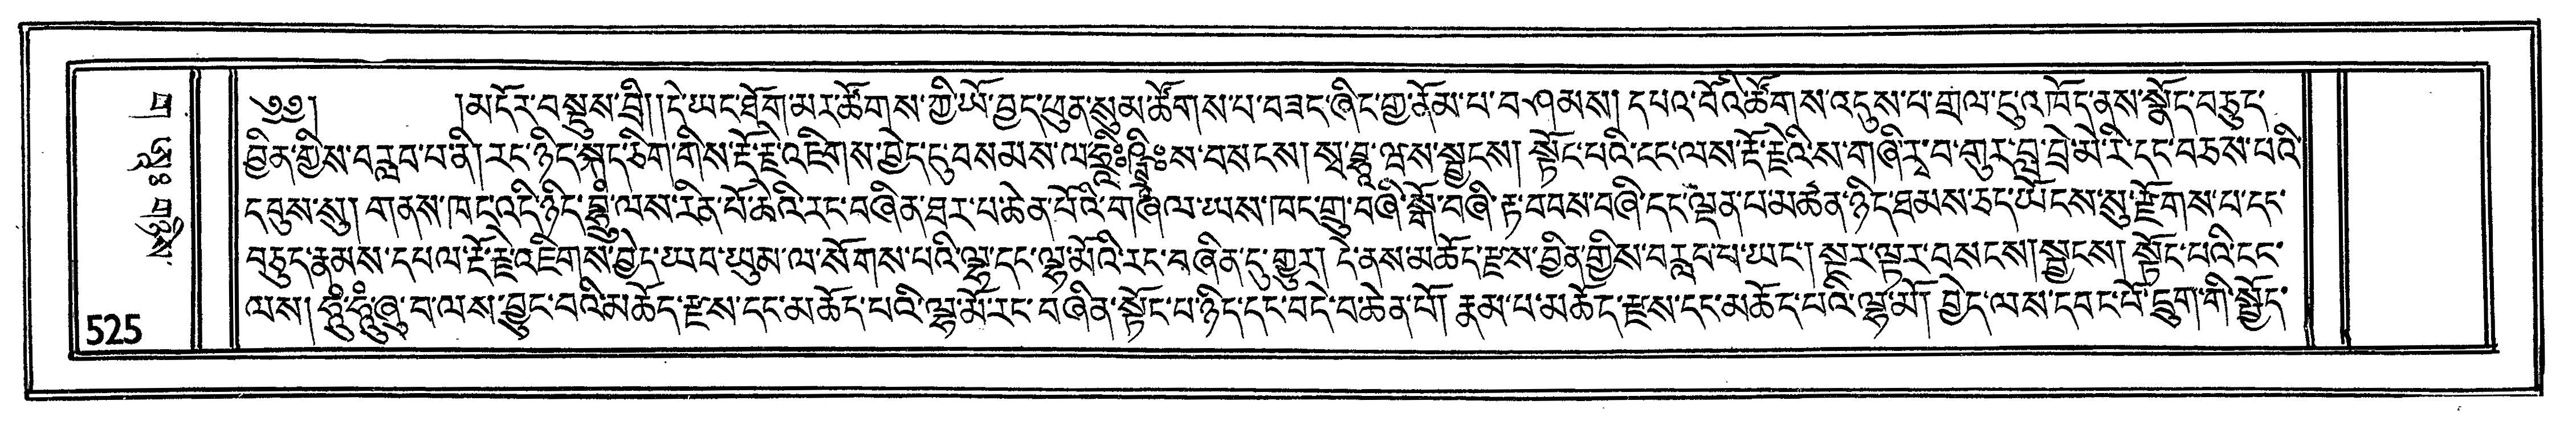༄༅། །མདོར་བསྡུས་བྲི། །དེ་ཡང་ཐོག་མར་ཚོགས་ཀྱི་ཡོ་བྱད་ཕུན་སུམ་ཚོགས་པ་བཟང་ཞིང་གྱ་ནོམ་པ་བཤམས། དཔའ་བོའི་ཚོགས་འདུས་པ་གྲལ་དུ་འཁོད་ནས་སྣོད་བཅུད་
བྱིན་གྱིས་བརླབ་པ་ནི། རང་ཉིད་སྐད་ཅིག་གིས་རྡོ་རྗེ་འཇིགས་བྱེད་དུ་བསམས་ལ་ཧྲཱིཿ ཥྚྲཱིཿ ས་བསངས། སྭ་བྷཱ་ཝས་སྦྱངས། སྟོང་པའི་ངང་ལས་རྡོ་རྗེའི་ས་གཞི་རྭ་བ་གུར་བླ་བྲེ་མེ་རི་དང་བཅས་པའི་
དབུས་སུ། གནས་ཁང་འདི་ཉིད་བྷྲུཾ་ལས་རིན་པོ་ཆེའི་རང་བཞིན་ཐར་པ་ཆེན་པོའི་གཞལ་ཡས་ཁང་གྲུ་བཞི་སྒོ་བཞི་རྟ་བབས་བཞི་དང་ལྡན་པ་མཚན་ཉིད་ཐམས་ཅད་ཡོངས་སུ་རྫོགས་པ་དང་བཅུད་རྣམས་དཔལ་རྡོ་རྗེ་འཇིགས་བྱེད་ཡབ་ཡུམ་ལ་སོགས་པའི་ལྷ་དང་ལྷ་མོའི་རང་བཞིན་དུ་གྱུར། དེ་ནས་མཆོད་རྫས་བྱིན་གྱིས་བརླབ་པ་ཡང་། སྔར་ལྟར་བསངས། སྦྱངས། སྟོང་པའི་ངང་
ལས། ཧཱུཾ་ཧཱུཾ་ཞུ་བ་ལས་བྱུང་བའི་མཆོད་རྫས་དང་མཆོད་པའི་ལྷ་མོ་རང་བཞིན་སྟོང་པ་ཉིད་དང་བདེ་བ་ཆེན་པོ། རྣམ་པ་མཆོད་རྫས་དང་མཆོད་པའི་ལྷ་མོ། བྱེད་ལས་དབང་པོ་དྲུག་གི་སྤྱོད་